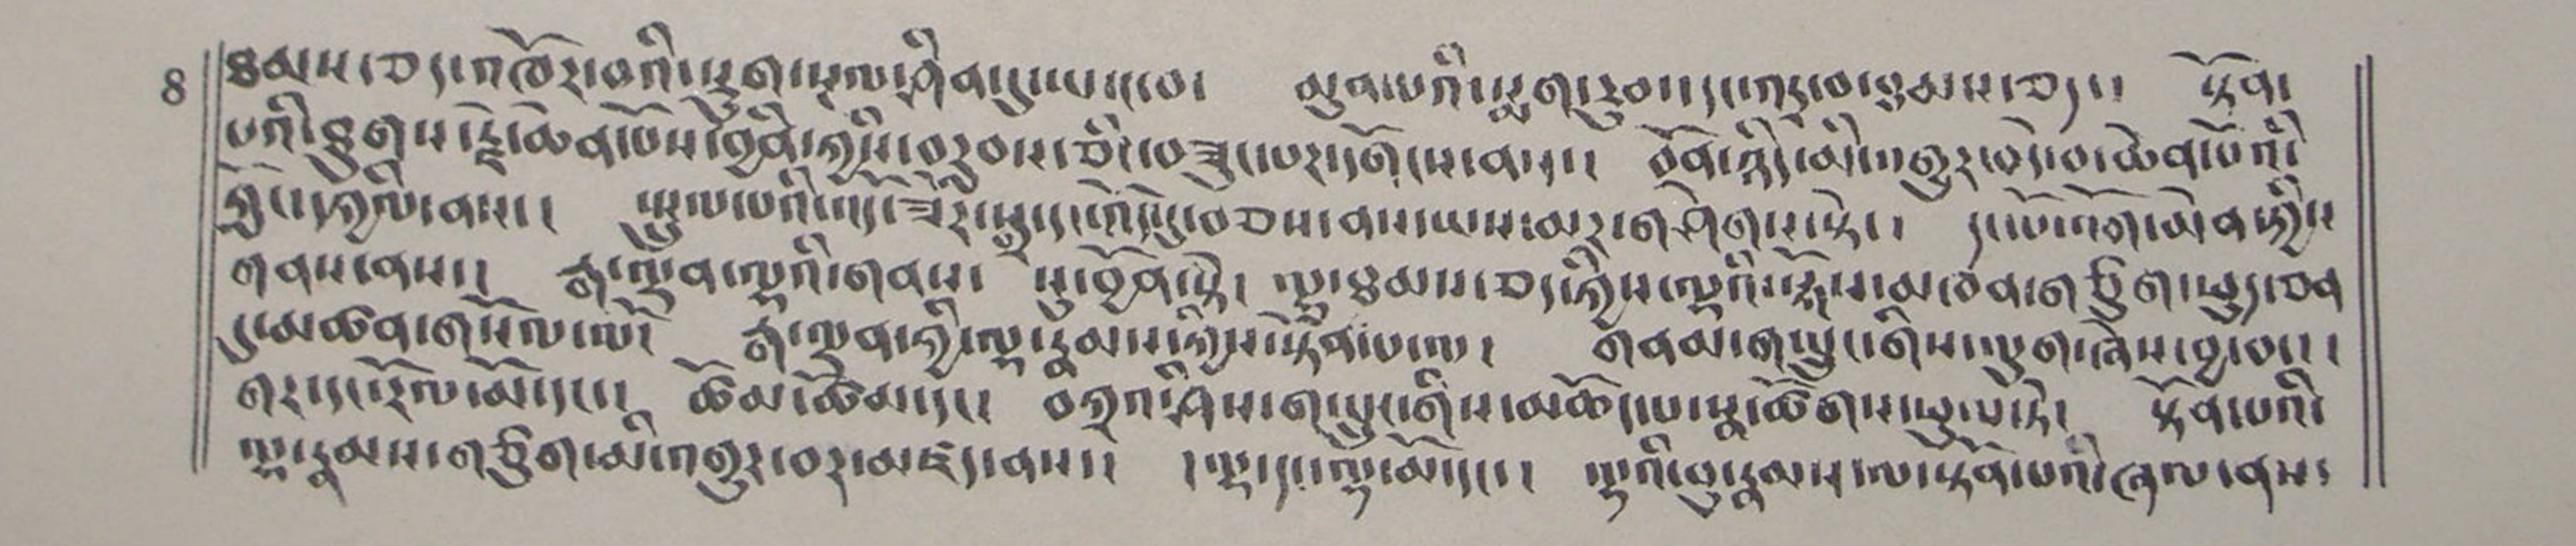ཐམས་ཅད་འཁོར་བའི་སྡུག་བསྔལ་ཤིན་ཏུ་ཡ་ང་བ། མུན་པའི་སྨག་རུམ་དང་འདྲ་བ་ཐམས་ཅད། སྟོན་
པའི་ཐུགས་རྗེ་ཆེན་པོས་བྱིན་གྱིས་བརླབས་ཅིང་བཟུང་བར་དགོངས་ནས། བོན་ཉིད་མི་འགྱུར་བདེ་བ་ཆེན་པོའི་
ཀློང་དཀྱིལ་ནས། སྤྲུལ་བའི་འོད་ཟེར་སྒྲ་དང་འོད་དུ་བཅས་ནས་ཡས་མར་གཤེགས་ཏེ། དང་པོ་འོག་མིན་གྱི་
གནས་ནས། དགའ་ལྡན་ལྷའི་གནས་སུ་བྱོན་ཏེ། ལྷ་ཐམས་ཅད་ཀྱི་ལྷའི་སྐོས་མཁན་གཙུག་ཕུད་ཅན་
དུ་མཚན་གསོལ་ལོ། །དགའ་(རྒ)ལྡན་གྱི་ལྷ་རྣམས་ཀྱིས་སྟོན་པ་ལ། གནམ་གཡུང་དྲུང་གི་ལུགས་ཞེས་བྱ་བ། 
གར་དང་རོལ་མོ་དང་། ཚོམ་ཚོམ་དང་། བཀྲ་ཤིས་གཡུང་དྲུང་གི་མཆོད་པ་སྣ་ཚོགས་ཕུལ་ཏེ། སྟོན་པས་
ལྷ་རྣམས་གཙུག་མི་འགྱུར་བར་མཛད་ནས། ལྷ་དང་ལྷ་མོ་དང་། ལྷའི་བུ་རྣམས་ལ་སྟོན་པའི་ཞལ་ནས་